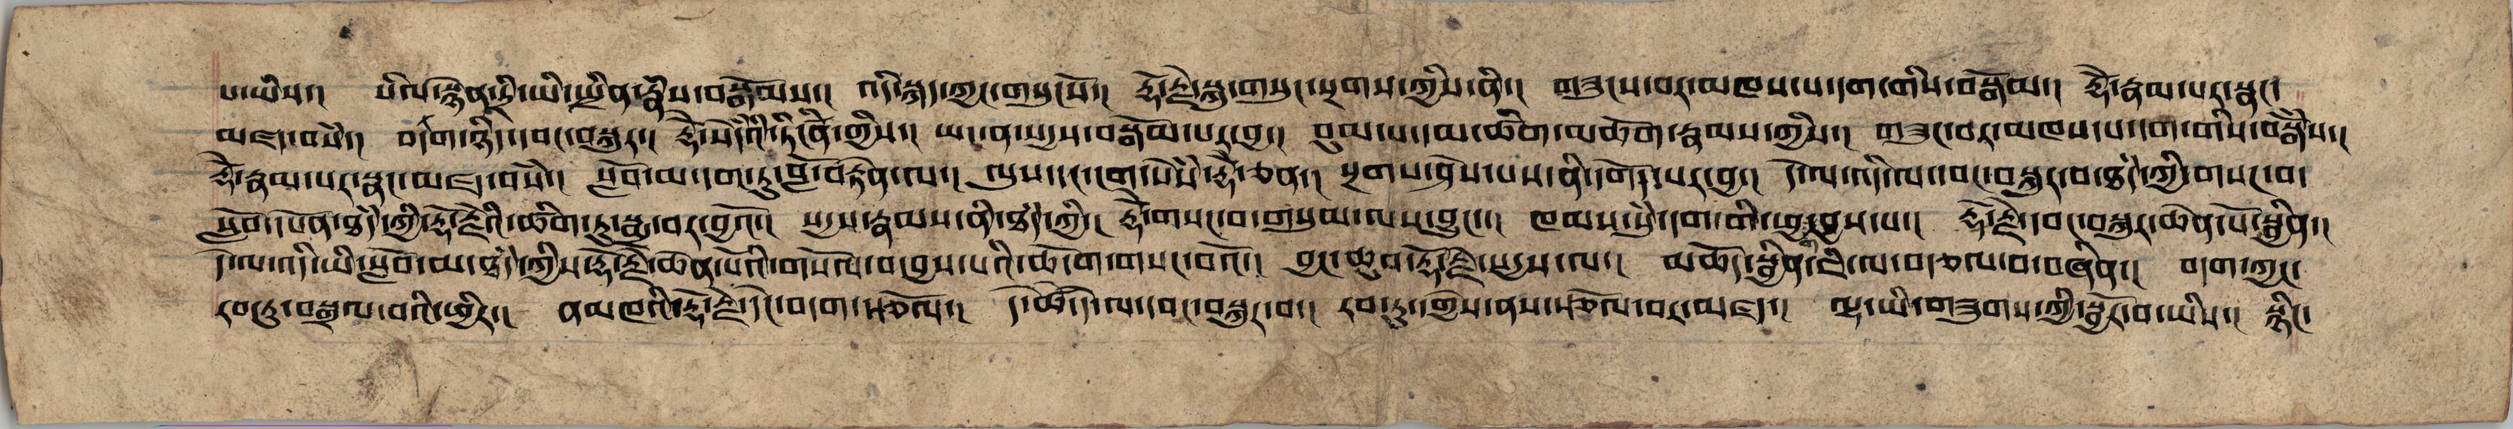པ་ཡིས་། སིལ་སྙེན་དྲི་ཡི་སྤྲིན་རྣཾས་བསྒོམས་། འདི་སྐད་ཀྱང་གསུངསོ་། རྡོ་རྗེ་སྐུ་གསུང་སྔགས་ཀྱིས་ནི་། གཟུངས་བར་མཁས་པ་དག་གིས་བསྒོམ་། རྡོེ་རྣམ་པར་སྣང་
མཛད་བསཾ་། བདག་ཉིད་དབང་བསྐུར་། རྡོེ་སེདཾའི་ཏིངཛིན་གྱིས་། ཡང་ན་སདྱས་བསྒོམ་པར་བྱ་། བུམ་པ་དམ་ཚིག་མཆོག་རྣམས་ཀྱིས་། གཟུང་བར་མཁས་པ་དག་གིས་བསྒོཾས་།
རྡོེ་རྣམ་པར་སྣང་མཛད་བསཾ་། སློབ་མ་དག་ཏུ་བློ་བརྟེན་ལ་། ལུས་དང་ངག་སེཾས་རྡོེ་ཅན་། སྔགས་ཤེས་པས་ནི་དགོད་པར་བྱ་། དེ་ལ་འདི་ལ་དབང་བསྐུར་བ་ཐདཾ་ཀྱི་གསང་བ་
སློབ་དཔོན་ཐཾད་ཀྱི་རྡོ་རྗེའི་ཚིག་ཏུ་སྨྲ་བར་བྱའོ་། སདྱས་རྣམས་ནི་ཐཾད་ཀྱི་། རྡོེ་གསང་བ་གསུམ་ལས་བྱུང་་། ཁམས་སུཾ་དག་གི་ཕྱག་བྱས་པ་། རྡོ་རྗེ་དབང་བསྐུར་ཆེན་པོ་སྦྱིན་།
དེ་ལ་འདི་ཡི་སློབ་མ་ཐཾད་ཀྱིས་རྡོ་རྗེ་ཆེན་པོའི་གསོལ་བ་བྱས་པའི་ཆོ་ག་གསང་བའོ་། བྱང་ཆུབ་རྡོ་རྗེ་སདྱས་ལ་། མཆོད་སྦྱིན་ཇི་ལ་བརྩལ་བ་བཞིན་། བདག་ཀྱང་
རབ་ཏུ་བསྒྲལ་བའི་ཕྱིར་། ནམཁའི་རྡོ་རྗེ་དེང་བདག་སྩོལ་། དེ་ཚེ་དེ་ལ་དབང་བསྐུར་བ་། རབ་ཏུ་དགྱེས་ནས་སྩོལ་བར་མཛད་། ལྷ་ཡི་གཟུགས་ཀྱི་སྦྱོར་བ་ཡིས་། སྙིང་